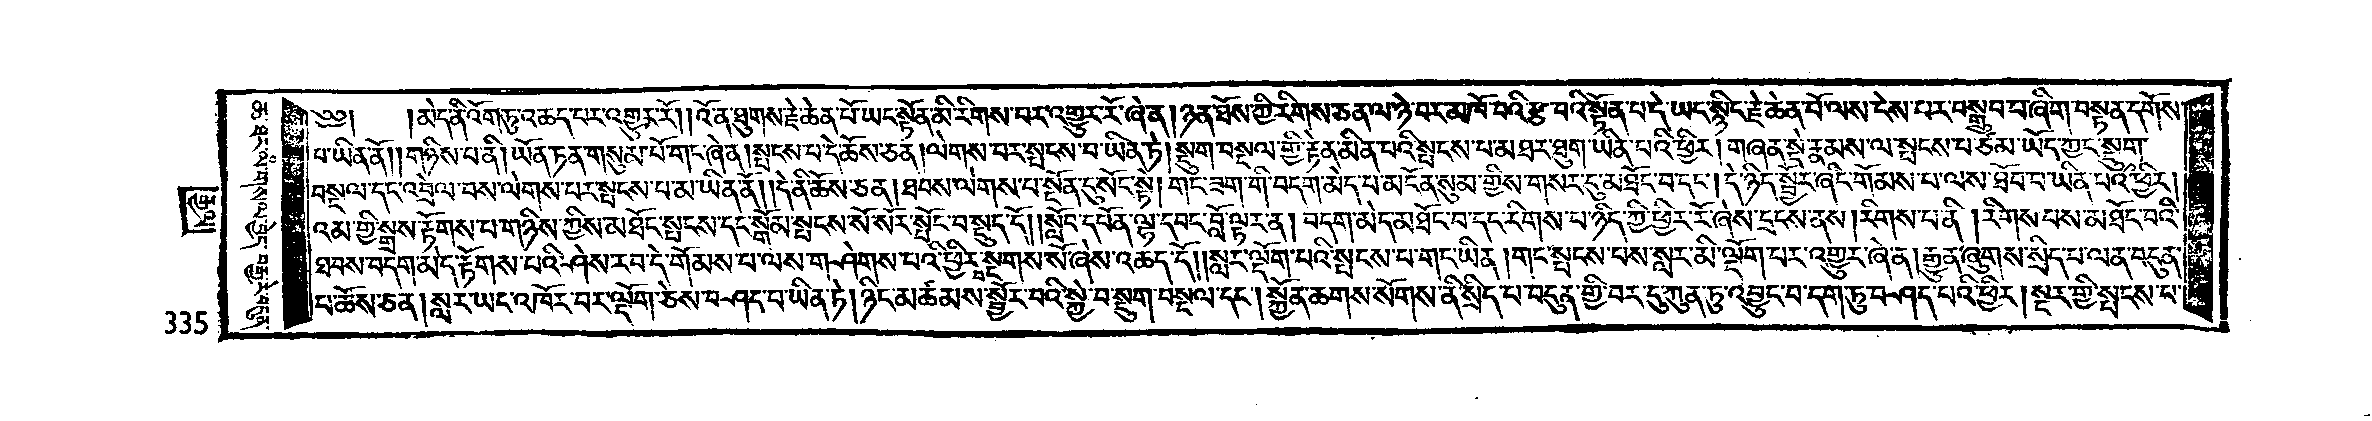༄༅། །མེད་ནི་འོག་ཏུ་འཆད་པར་འགྱུར་རོ། །འོ་ན་ཐུགས་རྗེ་ཆེན་པོ་ཡང་སྟོན་མི་རིགས་པར་འགྱུར་རོ་ཞེ་ན། ཉན་ཐོས་ཀྱི་རིགས་ཅན་ལ་ཉེ་བར་མཁོ་བའི་རྩ་བའི་སྟོན་པ་དེ་ཡང་སྙིང་རྗེ་ཆེན་པོ་ལས་ངེས་པར་བསྒྲུབ་པ་ཞིག་བསྟན་དགོས་
པ་ཡིན་ནོ། །གཉིས་པ་ནི། ཡོན་ཏན་གསུམ་པོ་གང་ཞེ་ན། སྤངས་པ་དེ་ཆོས་ཅན། ལེགས་པར་སྤངས་པ་ཡིན་ཏེ། སྡུག་བསྔལ་གྱི་རྟེན་མིན་པའི་སྤངས་པ་མཐར་ཐུག་ཡིན་པའི་ཕྱིར། གཞན་སྡེ་རྣམས་ལ་སྤངས་པ་ཙམ་ཡོད་ཀྱང་སྡུག་
བསྔལ་དང་འབྲེལ་བས་ལེགས་པར་སྤངས་པ་མ་ཡིན་ནོ། །དེ་ནི་ཆོས་ཅན། ཐབས་ལེགས་པ་སྔོན་དུ་སོང་སྟེ། གང་ཟག་གི་བདག་མེད་པ་མངོན་སུམ་གྱིས་གསར་དུ་མཐོང་བ་དང་། དེ་ཉིད་སྦྱོར་ཞིང་གོམས་པ་ལས་ཐོབ་པ་ཡིན་པའི་ཕྱིར།
འམ་གྱི་སྒྲས་རྟོགས་པ་གཉིས་ཀྱིས་མཐོང་སྤངས་དང་སྒོམ་སྤངས་སོ་སོར་སྤོང་བ་སྡུད་དོ། །སློབ་དཔོན་ལྷ་དབང་བློ་ལྟར་ན། བདག་མེད་མཐོང་བ་དང་རིགས་པ་ཉིད་ཀྱི་ཕྱིར་རོ་ཞེས་དྲངས་ནས། རིགས་པ་ནི་།རིགས་པས་མཐོང་བའི་
ཐབས་བདག་མེད་རྟོགས་པའི་ཤེས་རབ་དེ་གོམས་པ་ལས་གཤེགས་པའི་ཕྱིར་བསྔགས་?་སོ་ཞེས་འཆད་དོ། །སླར་ལྡོག་པའི་སྤངས་པ་གང་ཡིན་།གང་སྤངས་པས་སླར་མི་ལྡོག་པར་འགྱུར་ཞེ་ན། རྒྱུན་ཞུགས་སྲིད་པ་ལན་བདུན་
པ་ཆོས་ཅན། སླར་ཡང་འཁོར་བར་ལྡོག་ཅེས་བཤད་པ་ཡིན་ཏེ། ཉིང་མཚམས་སྦྱོར་བའི་སྐྱེ་བ་སྡུག་བསྔལ་དང་། སྐྱོན་ཆགས་སོགས་ནི་སྲིད་པ་བདུན་གྱི་བར་དུ་ཀུན་ཏུ་འབྱུང་བ་དག་ཏུ་བཤད་པའི་ཕྱིར། སྔར་གྱི་སྤངས་པ་